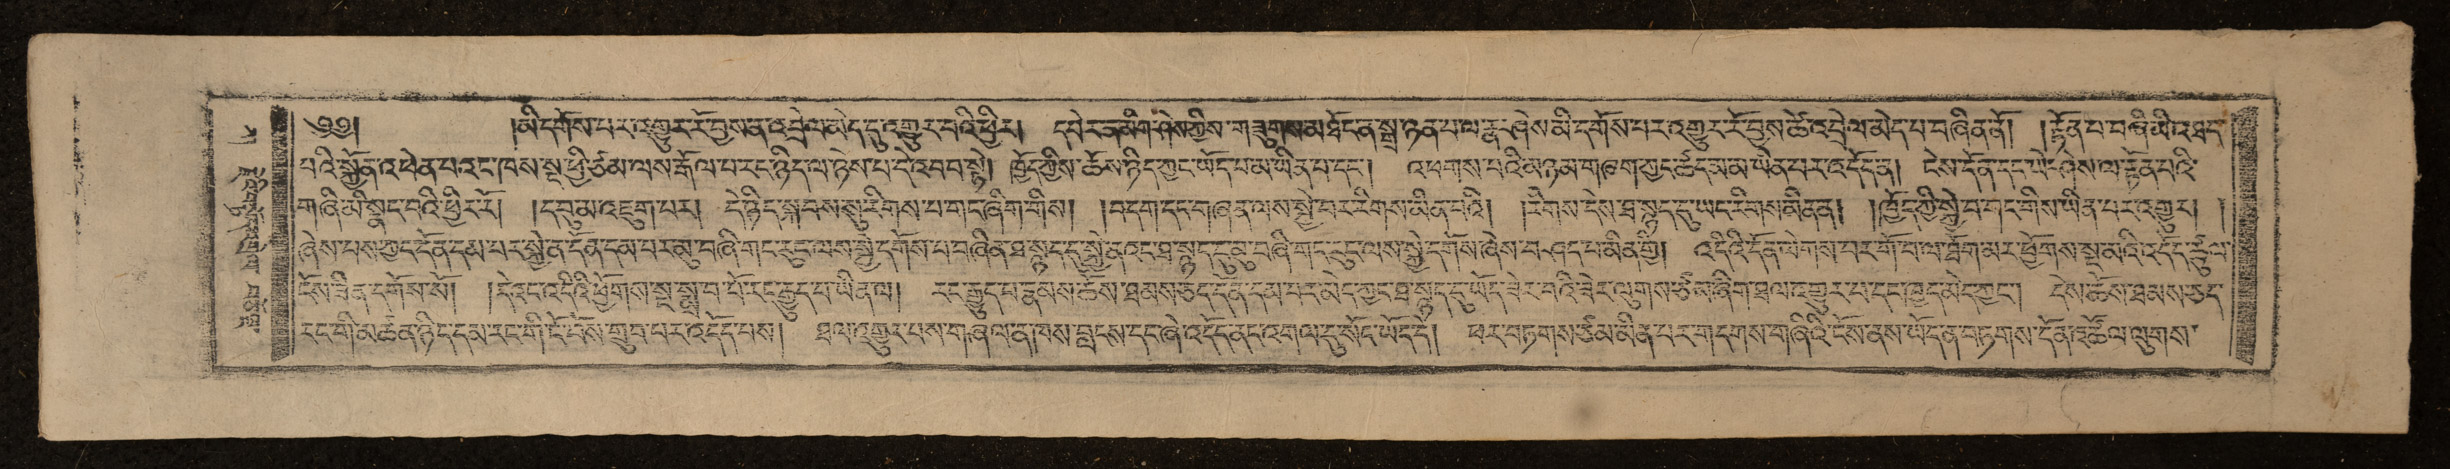༄༅། །མི་དགོས་པར་འགྱུར་རོ་བྱས་ན་འབྲེལ་མེད་དུ་འགྱུར་བའི་ཕྱིར། དཔེར་ན་མིག་ཤེས་ཀྱིས་གཟུགས་མཐོང་ན་སྒྲ་ཉན་པ་ལ་རྣ་ཤེས་མི་དགོས་པར་འགྱུར་རོ་བྱས་ཚེ་འབྲེལ་མེད་པ་བཞིན་ནོ། །རྟོན་པ་བཞི་མི་འཐད་
པའི་སྐྱོན་འཕེན་པའང་ཁས་སྔ་ཕྱི་ཙམ་ལས་རྒོལ་བ་རང་ཉིད་ལ་ཉེས་པ་དེ་འབབ་སྟེ། ཁྱོད་ཀྱིས་ཆོས་ཉིད་ཀྱང་ཡོད་པ་མ་ཡིན་པ་དང་། འཕགས་པའི་མཉམ་གཞག་ཀྱང་ཚད་མ་མ་ཡིན་པར་འདོད་ན། ངེས་དོན་དང་ཡེ་ཤེས་ལ་རྟོན་པའི་
གཞི་མི་སྣང་བའི་ཕྱིར་རོ། །དབུ་མ་འཇུག་པར། དེ་ཉིད་སྐབས་སུ་རིགས་པ་གང་ཞིག་གིས། །བདག་དང་གཞན་ལས་སྐྱེ་བར་རིགས་མིན་པའི། །རིགས་དེས་ཐ་སྙད་དུ་ཡང་རིགས་མིན་ན། །ཁྱོད་ཀྱི་སྐྱེ་བ་གང་གིས་ཡིན་པར་འགྱུར། །
ཞེས་པས་ཀྱང་དོན་དམ་པར་སྐྱེ་ན་དོན་དམ་པར་མུ་བཞི་གང་རུང་ལས་སྐྱེ་དགོས་པ་བཞིན་ཐ་སྙད་དུ་སྐྱེ་ནའང་ཐ་སྙད་དུ་མུ་བཞི་གང་རུང་ལས་སྐྱེ་དགོས་ཞེས་བཤད་པ་མིན་གྱི། འདིའི་དོན་ལེགས་པར་གོ་བ་ལ་ཐོག་མར་ཕྱོགས་སྔ་མའི་འདོད་ཚུལ་
ངོས་ཟིན་དགོས་སོ། །དེའང་འདིའི་ཕྱོགས་སྔ་སྨྲ་བ་བོ་རང་རྒྱུད་པ་ཡིན་ལ། རང་རྒྱུད་པ་རྣམས་ཆོས་ཐམས་ཅད་དོན་དམ་པར་མེད་ཀྱང་ཐ་སྙད་དུ་ཡོད་ཟེར་བའི་ཟེར་ལུགས་ཙམ་ཞིག་ཐལ་འགྱུར་བ་དང་ཁྱད་མེད་ཀྱང་། དེས་ཆོས་ཐམས་ཅད་
རང་གི་མཚན་ཉིད་དམ་རང་གི་ངོ་འོས་གྲུབ་པར་འདོད་པས། ཐོལ་འགྱུར་བས་གཞལ་ན་ཁས་བླངས་དང་ཞེ་འདོད་ནང་འགལ་དུ་སོང་ཡོད་དེ། ཕར་བཏགས་ཙམ་མིན་པར་གདགས་གཞིའི་ངོས་ནས་ཡོད་ན་བཏགས་དོན་འཚོལ་ལུགས་